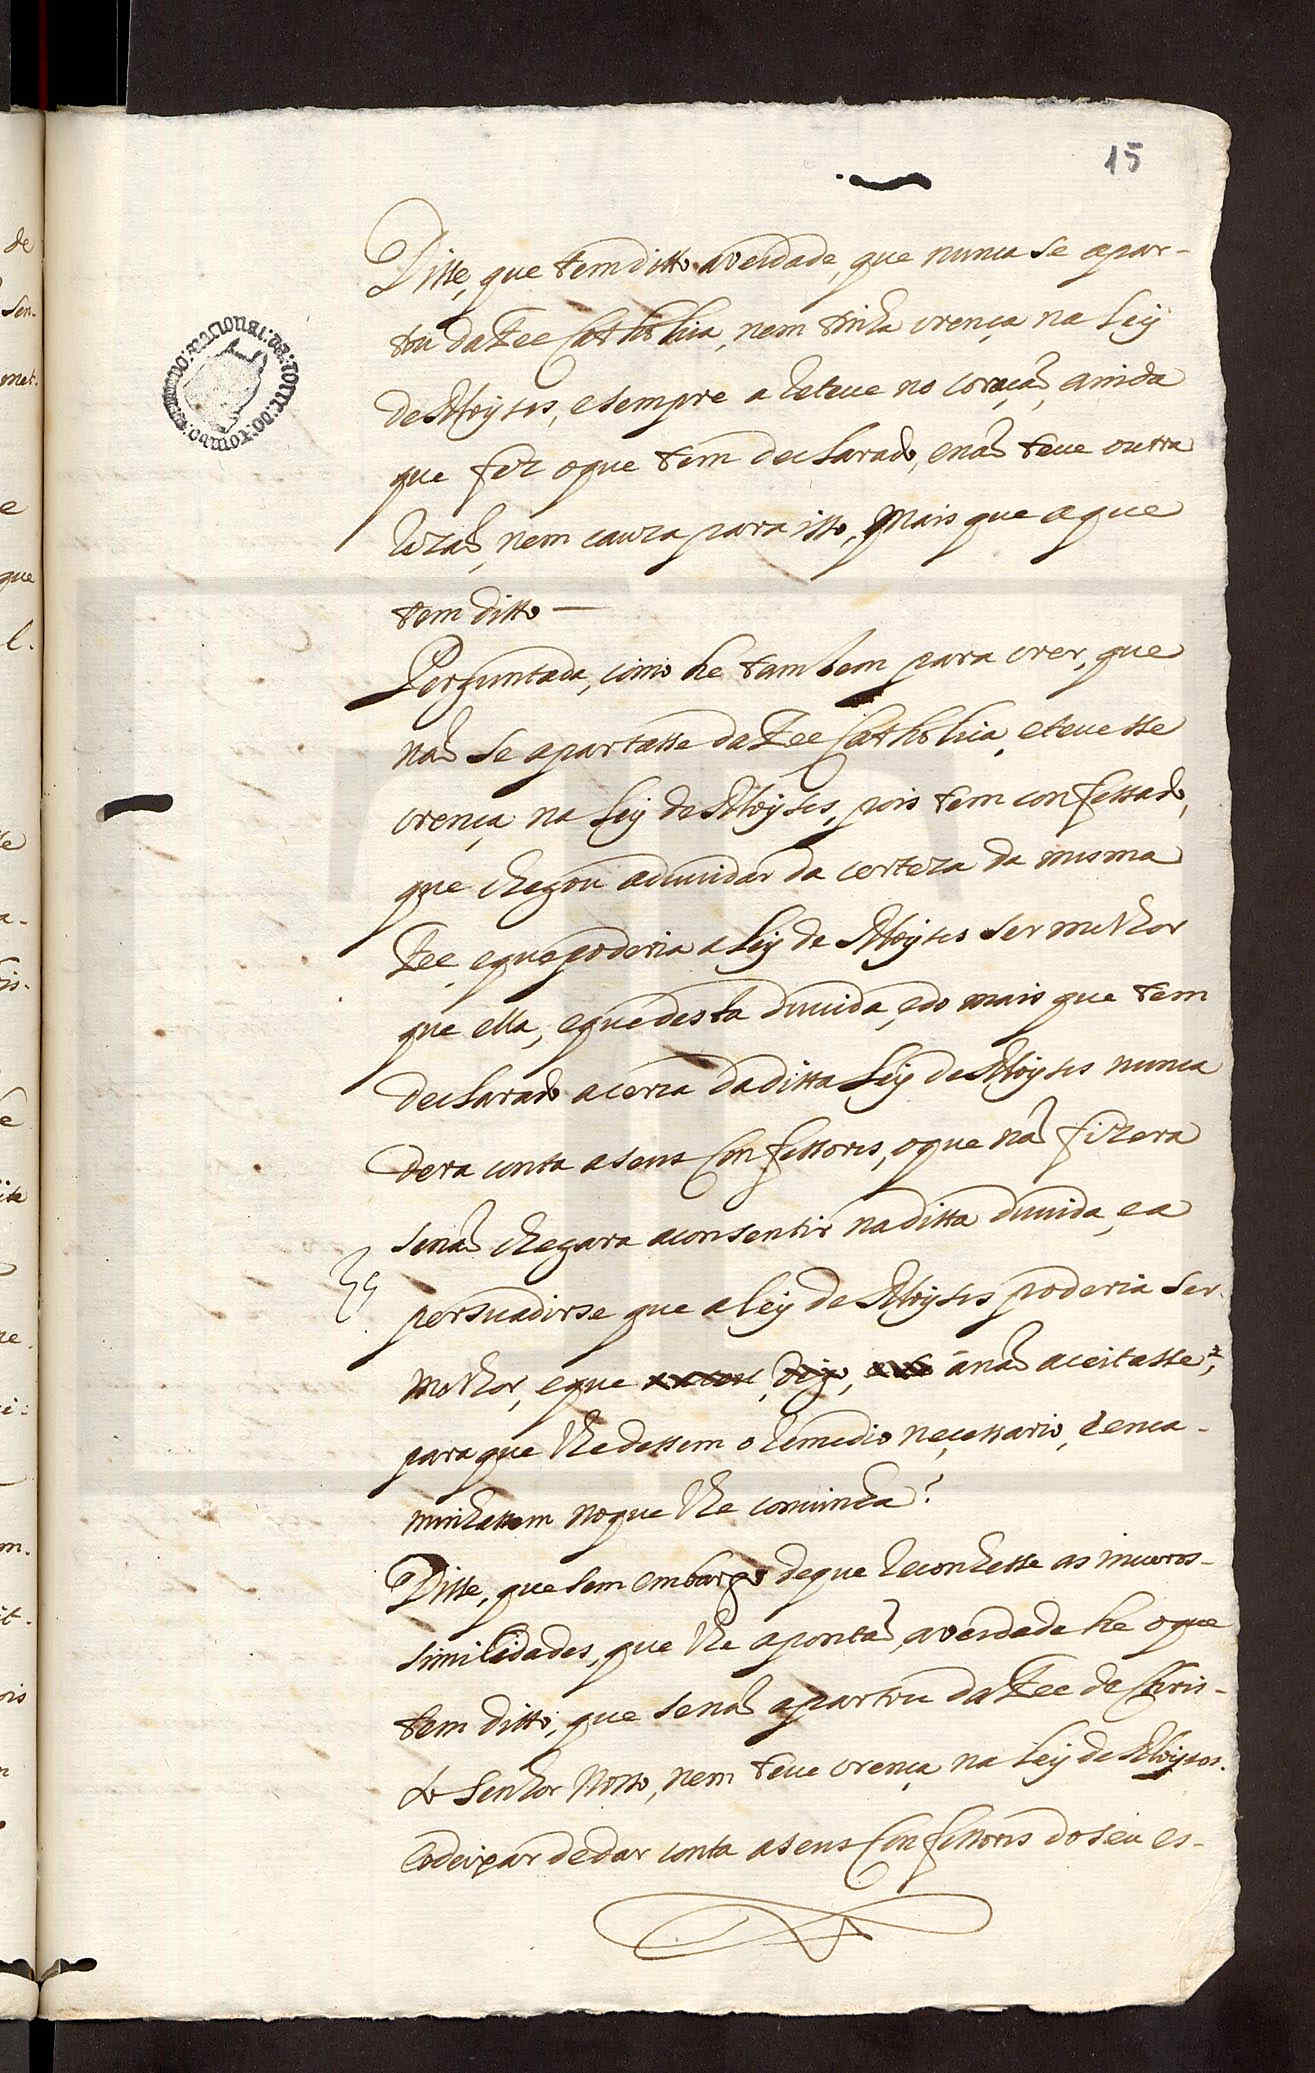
Disse, que tem ditto a verdade, que nunca se apar
tou da Fee Catholica, nem tinha crença na Ley
de Moyses, e sempre a Reteve no coração, ainda
que fez o que tem declarado e naõ teue outra
Rezaõ, nem cauza para isso, mais que a que
tem ditto
Perguntada, como he tambem para crer, que
naõ se apartasse da Fee Catholica, e teuesse
crença na Ley de Moyses, pois tem confessado,
que chegou a duuidar da certeza da mesma
Fee e que poderia a Ley de Moyses ser melhor
que ella, e que desta duuida, e do mais que tem
declarado acerca da ditta Ley de Moyses nunca
dera conta a seus Confessores, o que naõ fizera
se não chegara a consentir na ditta duuida, e a
persuadirse que a ley de Moyses, poderia ser
melhor e que_, digo, _a não aceitasse, e
para que lhe dessem o Remedio necessario, e enca
minhassem no que lhe conuinha.
Disse, que Sem embargo de que Reconhesse, as inueras
similidades, que lhe apontaõ, a verdade he o que
tem ditto; que se não apartou da Fee de Chris
to senhor nosso, nem teue crença na Ley de Moyses.
E o deixar de dar conta a seus Confessores do seu es
